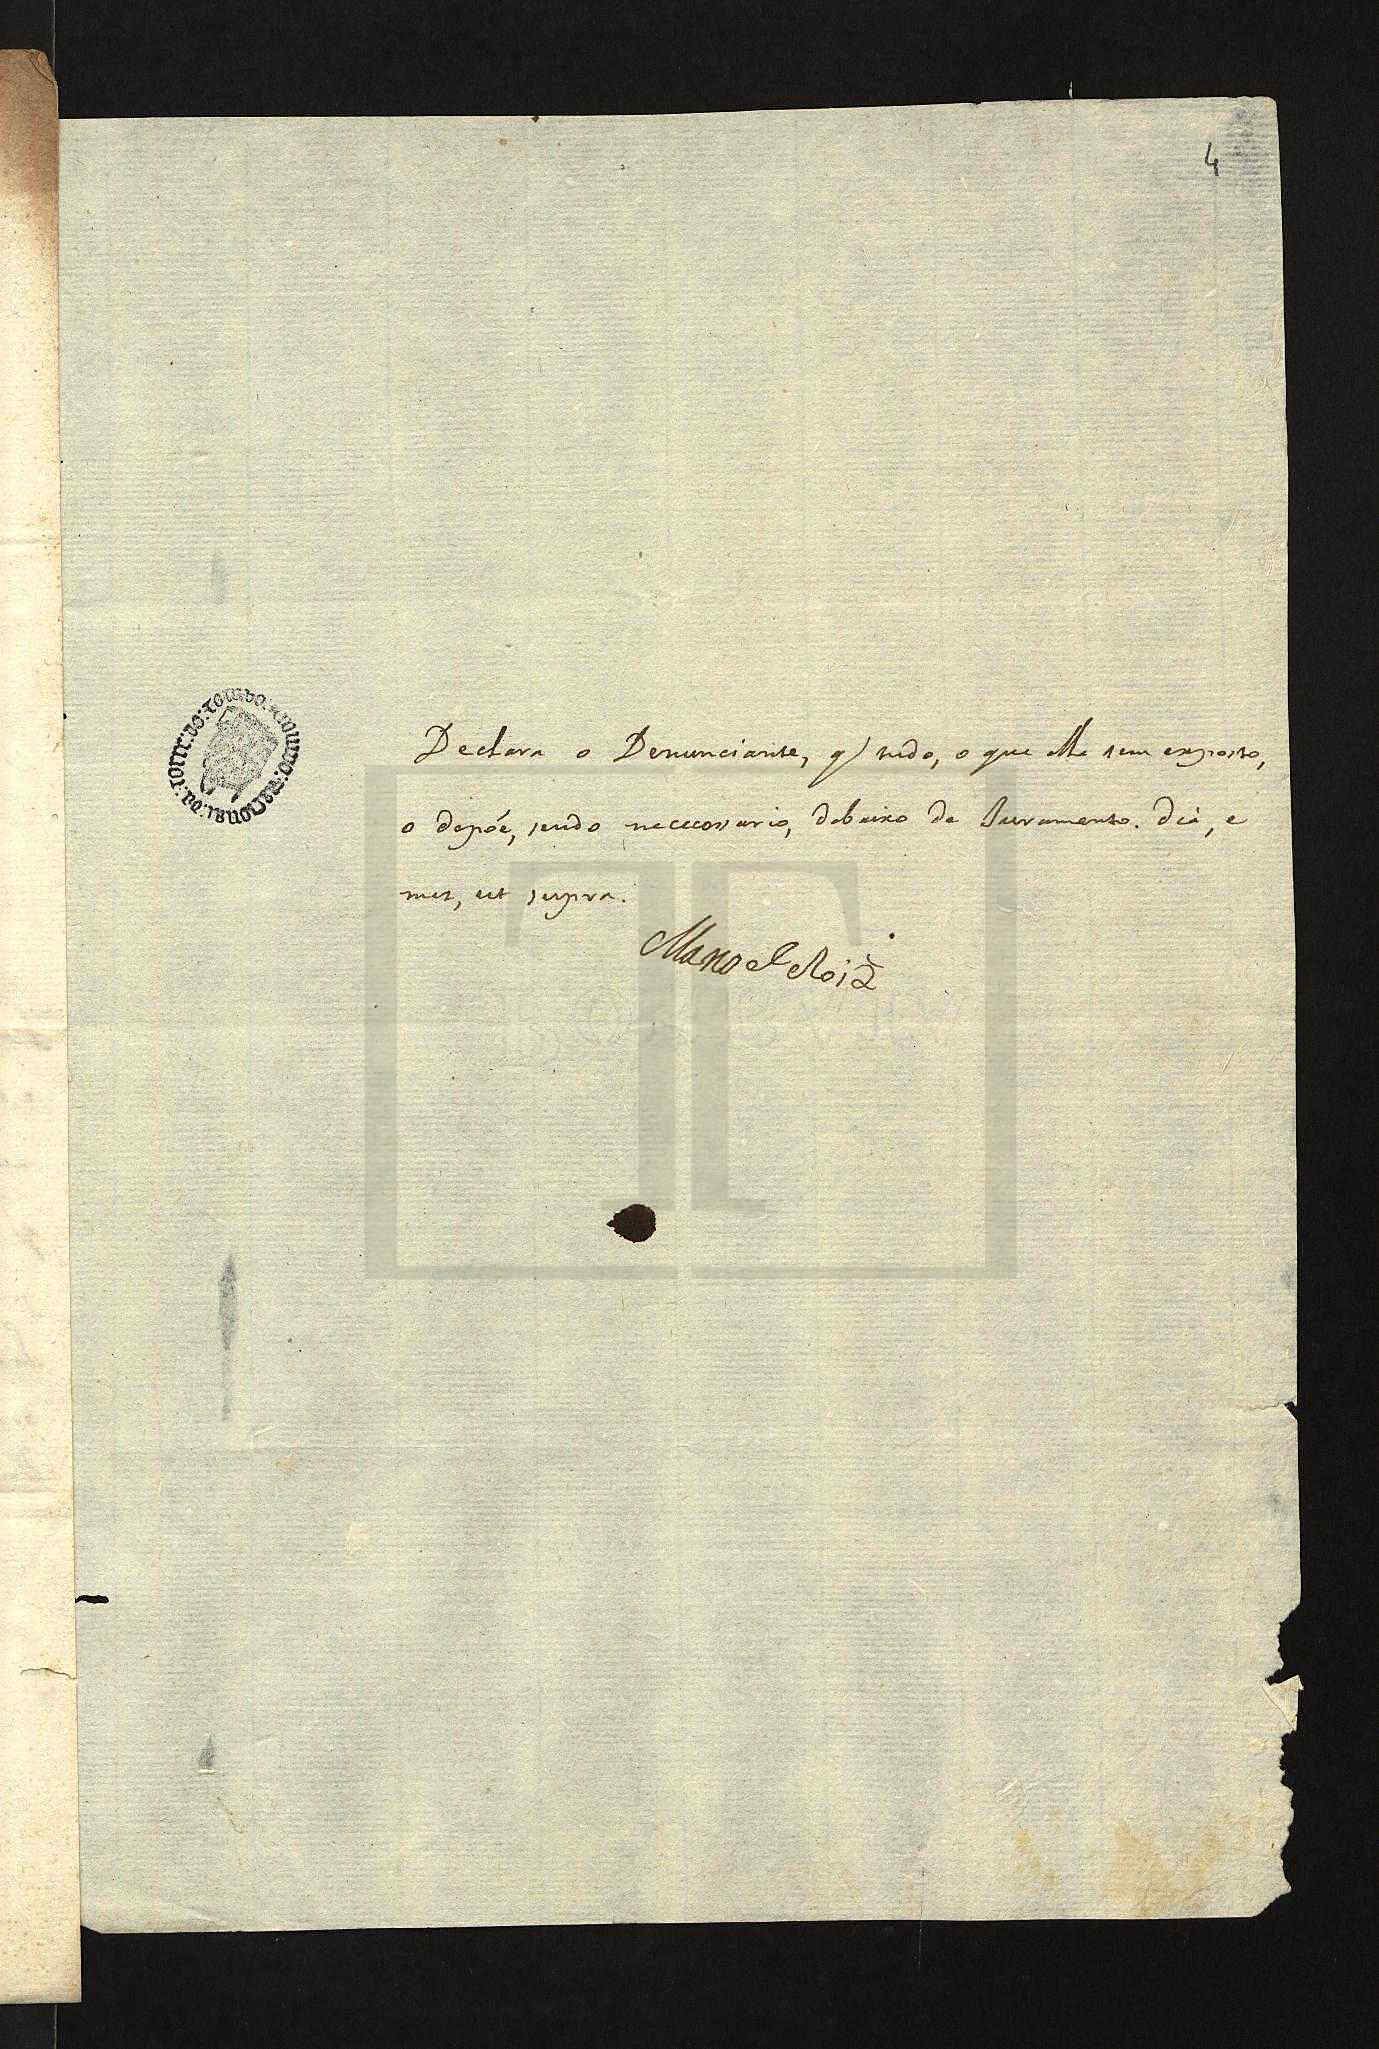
Declara o Denunciante, q̄ tudo, o que elle tem exposto,
o depõe, sendo neccessario, debaixo de Iuramento. dia, e
mes, ut supra.
Manoel Roiz̄
